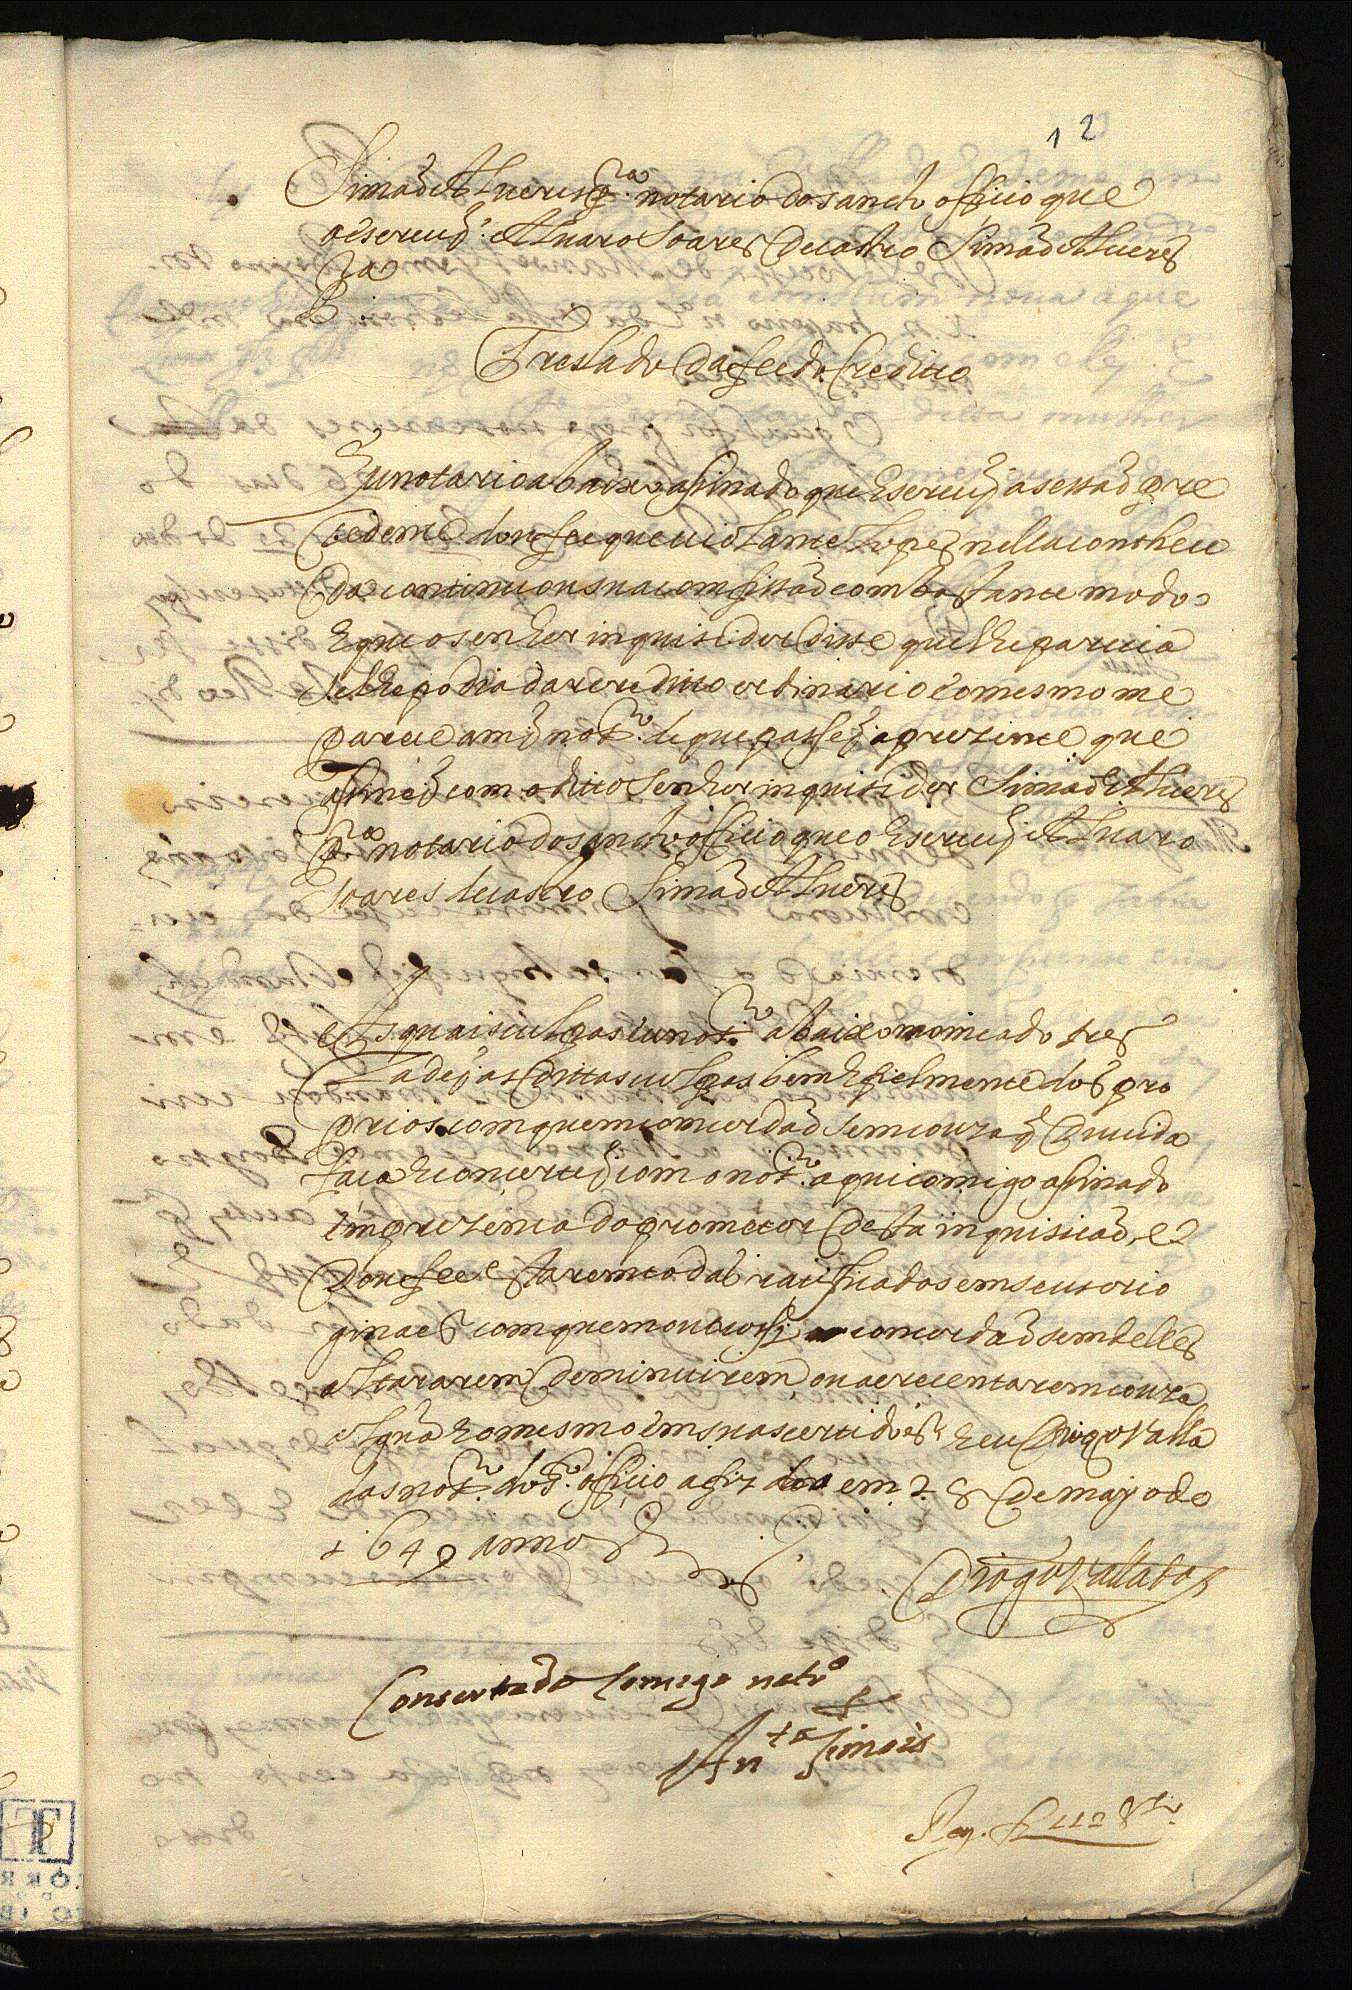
Simaõ Alueres p.ra notario do sancto offiçio que
o escreuj? Aluaro Soares de castro Simaõ Alueres
Pra.
Treslado da fee do Creditto
Eu notario abaixo assinado que Escreuj a sessaõ pre
cedente dou fee que uiolante lopes nella contheu
da continuou sua comfissaõ com bastante modo
E que o senhor inquisidor disse que lhe parecia
se lhe podia dar creditto ordinario e o mesmo me
pareçe a mj̄ not.ro de que passej a prezente que
assinaõ com o ditto Senhor inquisidor Simaõ Alueres
p.ra notario do sancto officio que o Escreuj Aluaro
Soares de castro Simaõ Alueres
As quais culpas eu not.ro abaixo nomeado tres
Ladej as dittas culpas bem E fielmente dos pro
prios com quem comcordaõ sem couza q̄ duuida
faça E conçertej com o not.ro aqui comigo assinado
em prezenca do prometor desta inquisicaõ, &
Dou fee estarem todas ratificadas em seus orio
ginaes com quem outrossi concordaõ sem delles
altararem deminuirem, ou acrecentarem couza
alguā E o mesmo em suas certidoes E eu Diogo Valla
das not.ro do s.to offiçio a fiz _ em 28 de mayo de
i649 annos
Consertado comigo notro
Reg. fl 112 Vso.
